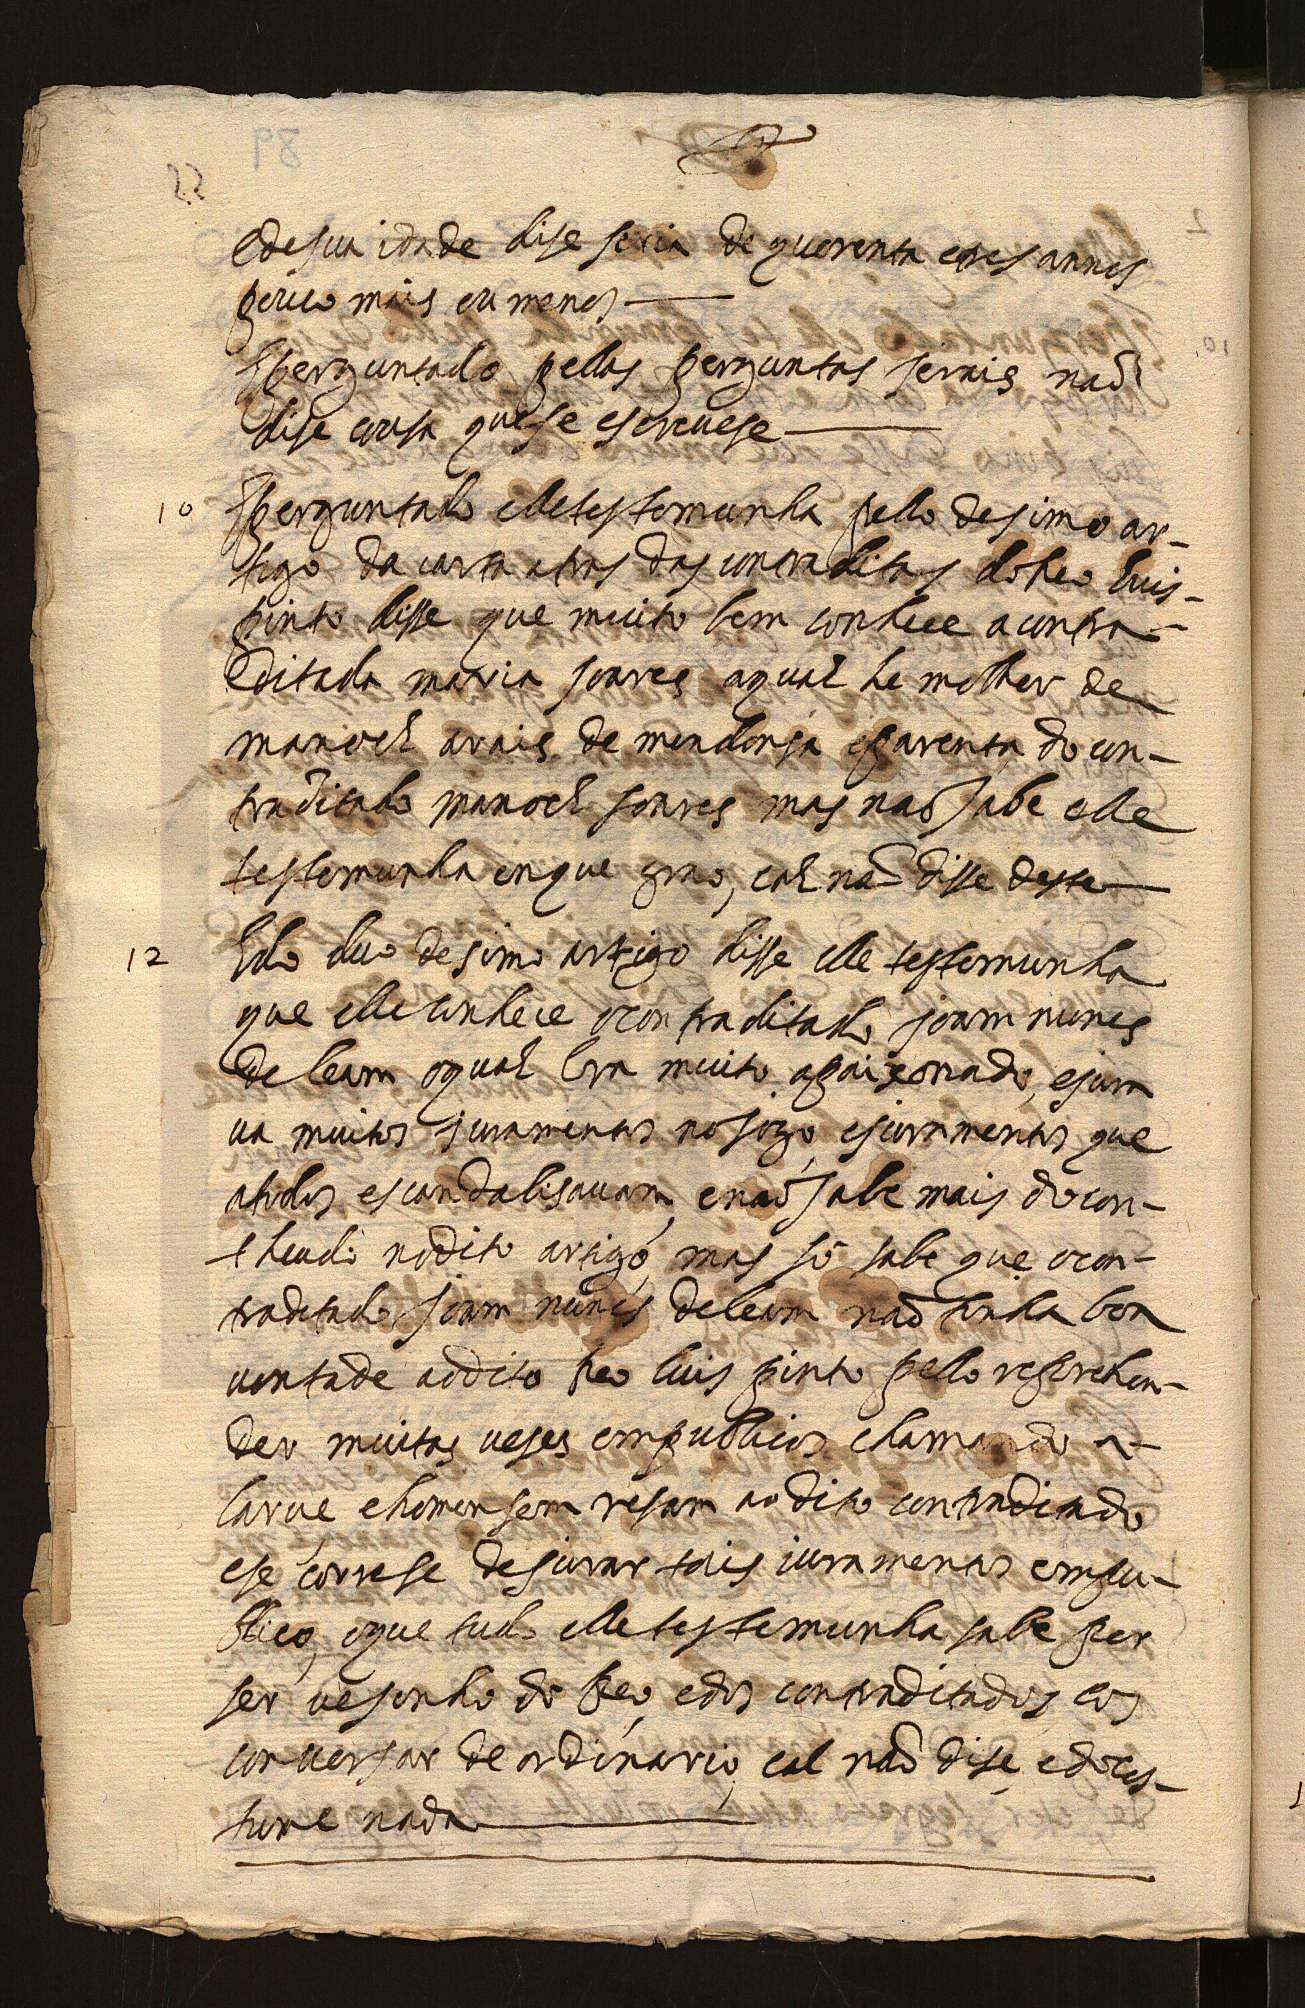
10
12
e de sua idade dise seria de quarenta e tres annos
pouco mais ou menos
E perguntado pellas perguntas jerais naõ
dise cousa que se escreuese
E perguntado elle testemunha pello desimo ar
tigo da carta atras das contraditas do Reo luis
pinto disse que muito bem conhece a contra
ditada maria soares a qual he molher de
manoel arais de mendonsa e parenta do con
traditado manoel soares mas naõ sabe elle
testemunha en que grao, e al naõ disse deste
E do dito desimo artigo disse elle testemunha
que elle conhece o contraditado joam nunes
de leam o qual Era muito apaixonado, e jura
ua muitos juramentos no jogo, e juramentos que
a todos escandalisauam, e naõ sabe mais do con
theudo no dito artigo, mas só sabe que o con
traditado Joam nunes de leam naõ tinha boa
uontade ao dito Reo luis pinto pello reprehen
der muitas uezes em publicos chamando a
larue, e homen sem resam ao dito contraditado
e se correse de jurar tais iuramentos em pu
blico, o que tudo elle testemunha sabe per
ser uesinho do Reo, e dos contraditados e os
conuersar de ordinario, e al naõ dise e do cos
tume nada
